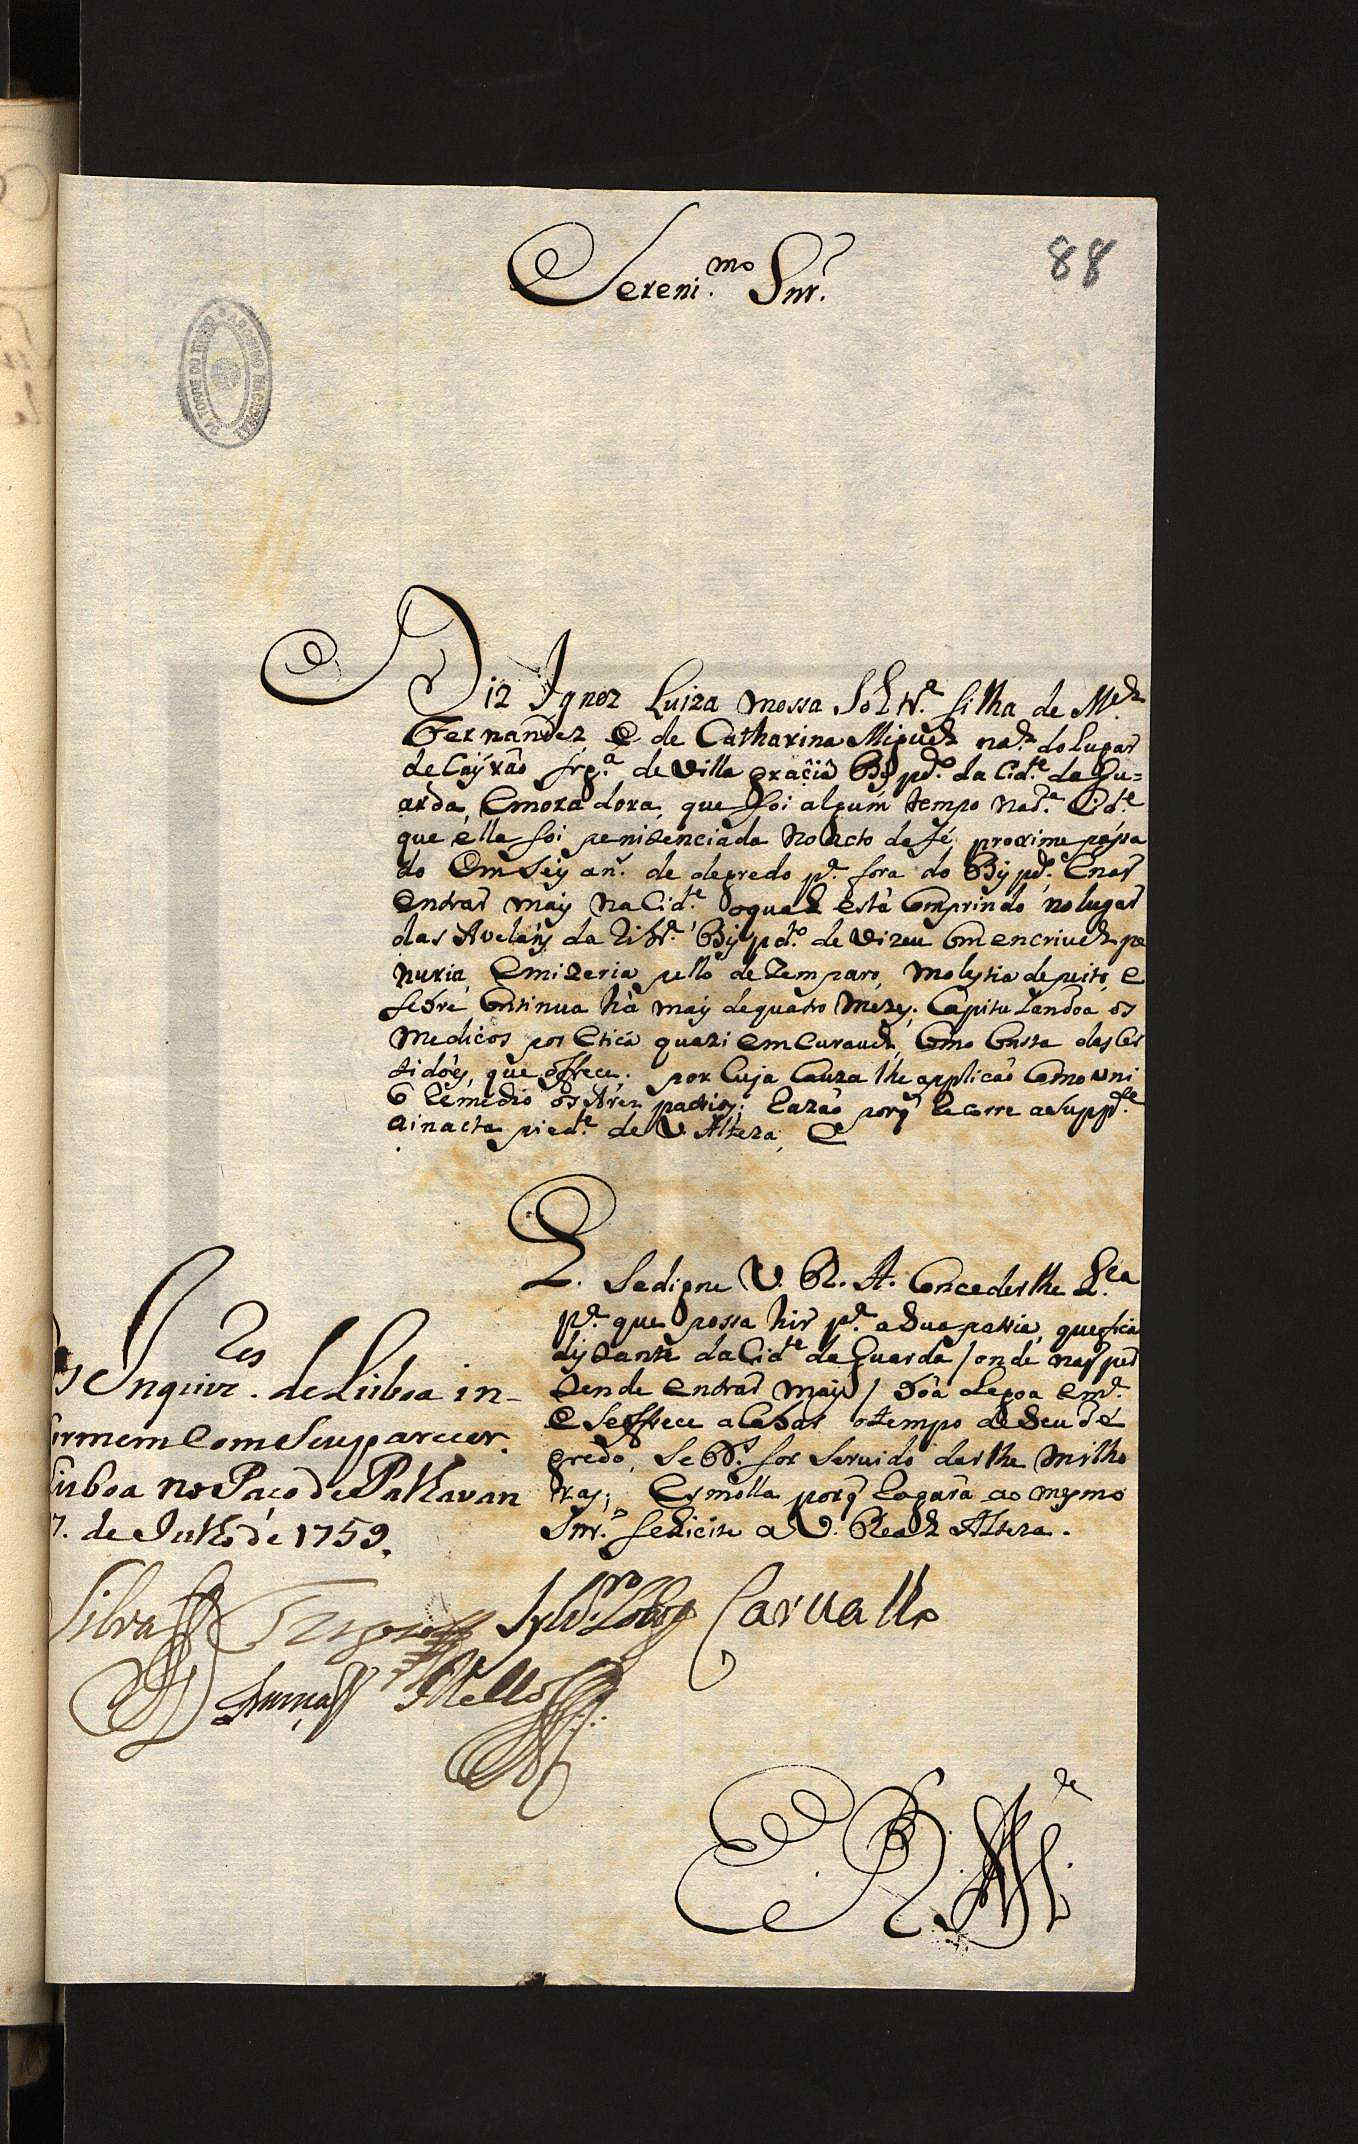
Sereni.mo Snr̄.
Diz Ignez Luiza mossa Soltr.a filha de M.el
Fernandez E de Catharina Miguel na.l do Lugar
de Cayxaõ frg.a de villa gracia Bspd.o da Cid̄.e da Gu
arda, E moradora, que foi algum tempo na d.a Cid;e
que ella foi penitenciada no Acto da fé, proximo passa
do Em seis an.s de degredo p.a fora do Bispd;o E naõ
Entrar mais na Cid̄.e o qual está Comprindo no lugar
das Avelan̄s da Ribr.a Bispd.o de vizeu Com encriuel pe
nuria, E mizeria pello deZemparo, molestia de peito, e
febre Continua há mais de quatro mezes; CapituLandoa os
Medicos por Etica quazi emcurauel, Como Consta das Cer
tidoẽs, que offrece; por Cuja Cauza lhe applicaõ Como uni
Co Remedio os Arez patrios; Razaõ porq̄ Recorre a Supp.te
ai nacta pied̄.e de V Alteza, E
P. Sedigne V.R.A. Concederlhe L.ca
p.a que possa hir p.a a Sua patria, que fica
distante da Cid̄e da Guarda /onde naõ per
s Inquiz.Res de Lisboa in.
tende entrar mais/ boá Legoa e m;e
E se offrece aCabar o tempo de seu de
rmem com Seu parecer
gredo, Se D.s for Seruido darlhe milho
Lisboa no Paço de Palhavan
ras; Esmolla porq̄ Rogará ao mesmo
Snr̄. seLicite a V. Real Alteza.
7. de Iulho de 1759.
Silva
Sylv.ro Lobo
Carualho
Mello
E.R.M.ce
